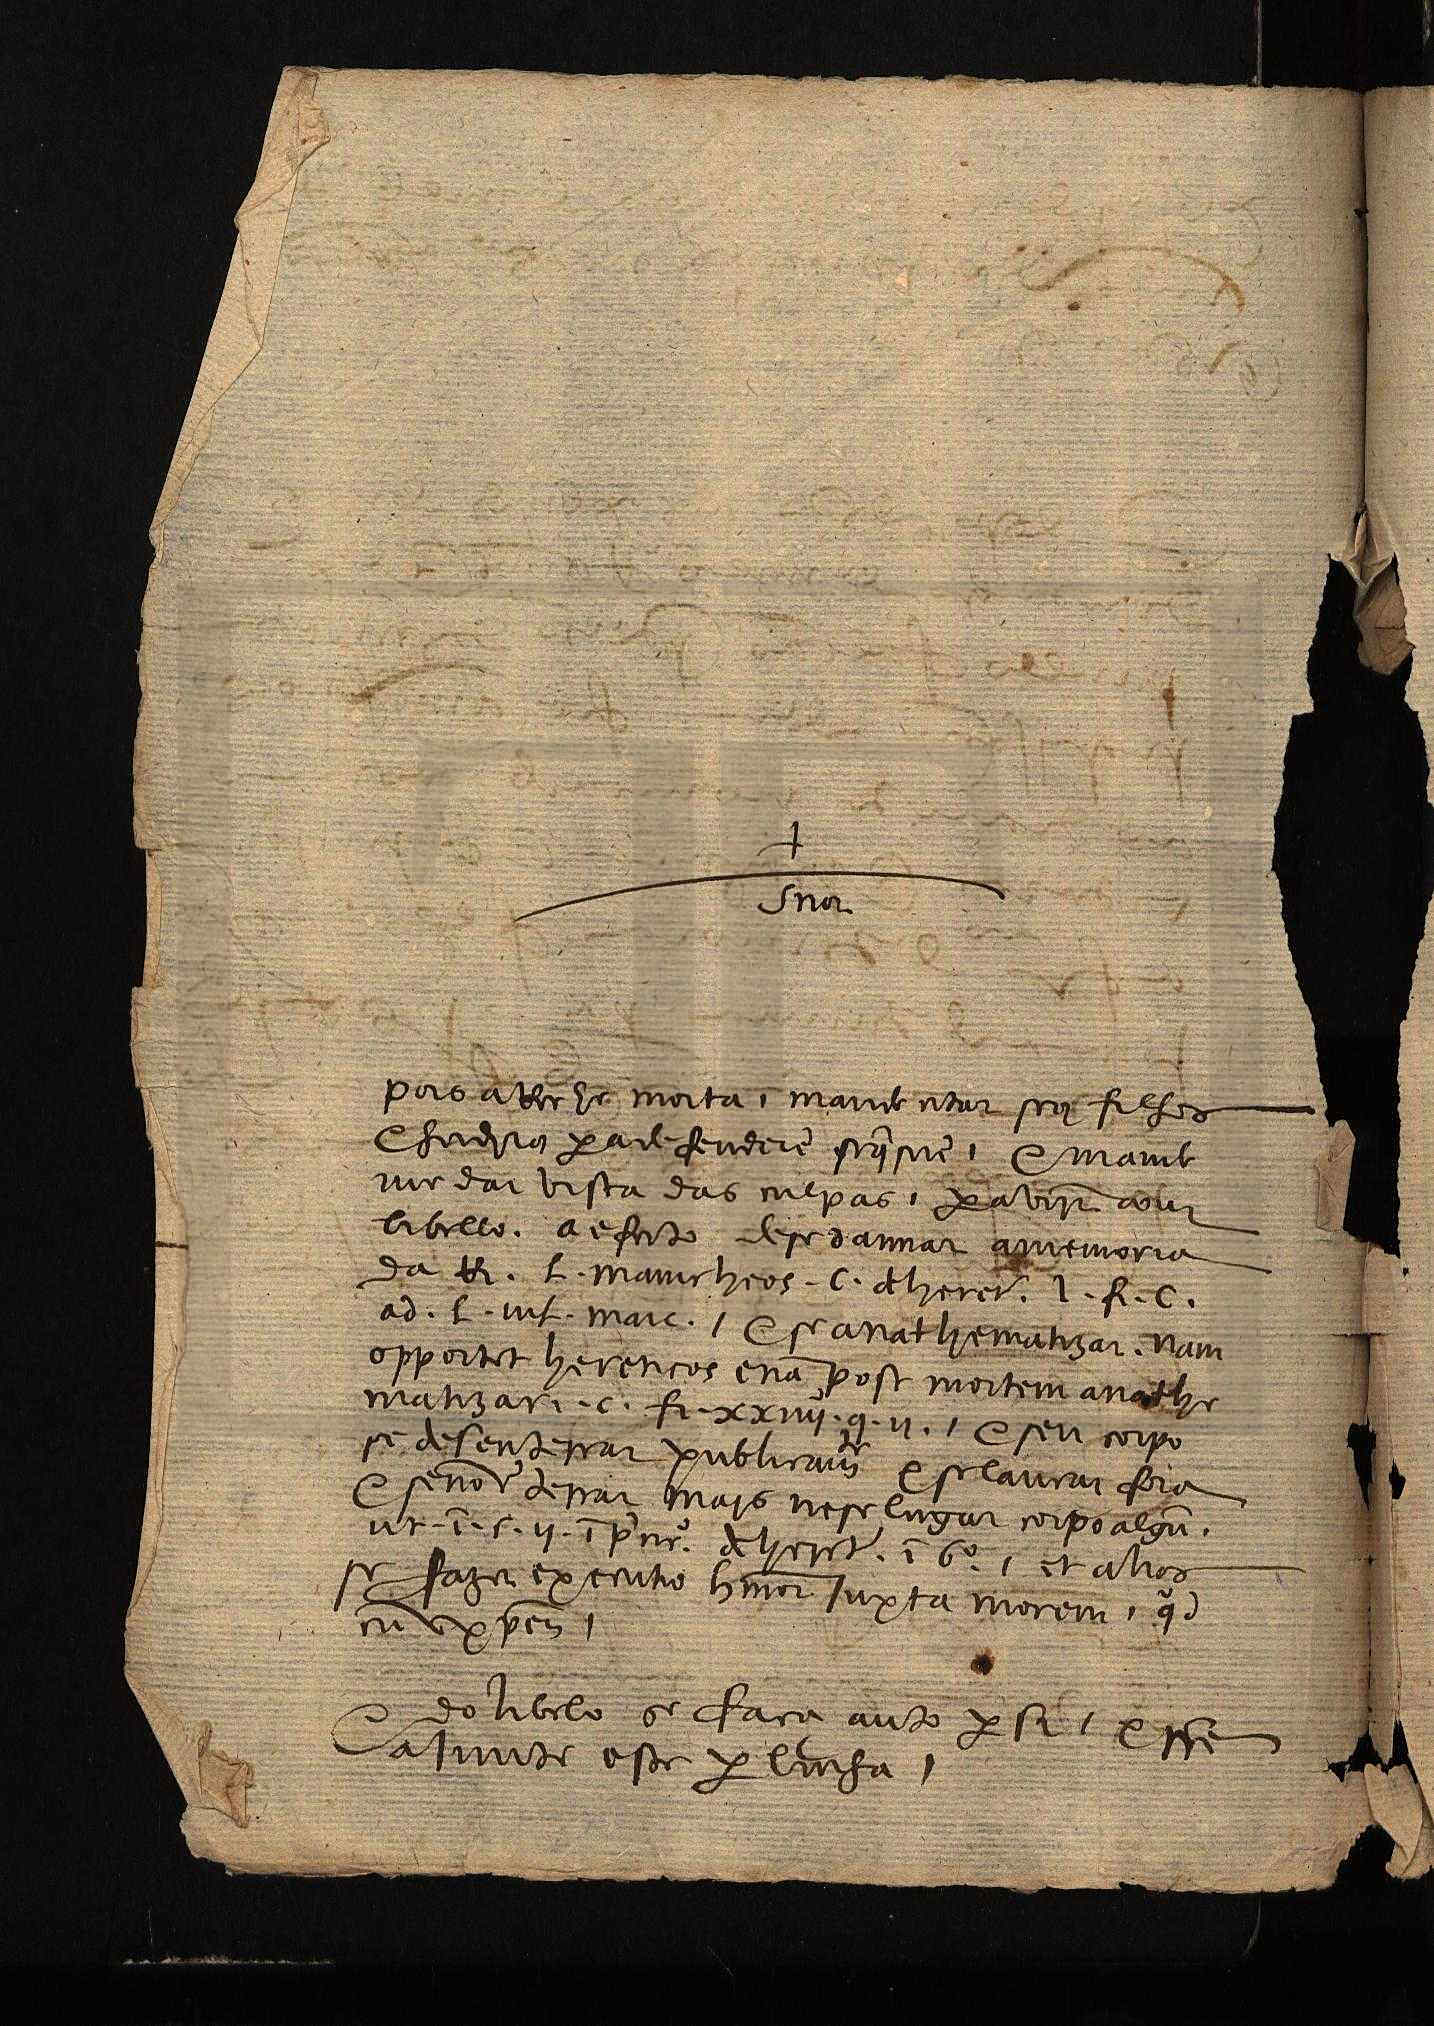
Snor
pois a Ree he morta , mande citar seꝯ filhos
e herdjrꝯ ꝑa defenderē se q̄serē , e mande
me dar vista das culpas , ꝑa vijr com
libello. a efeito de se dannar a memoria
da R. L. manicheos .C. de heret. l. f. C.
ad. L. inf. marc. / e se anathematizar. nam
opportet hereticos etiā post mortem anathe
matizari .c. f. xxiiijo. q. ij. / e seu corpo
se desenterrar publicamte e se lançar fora
e se nō ēterrar majs nese lugar corpo algū.
ut .ī. s. ij. ī p̄nco. de heret. ī 6o. i et alios
se fazer executio hm̄or Iuxta morem , q̄d
cū expēn /
e do libelo se faça auto ꝑ si / e sse
aJunte este ꝑ linha /
